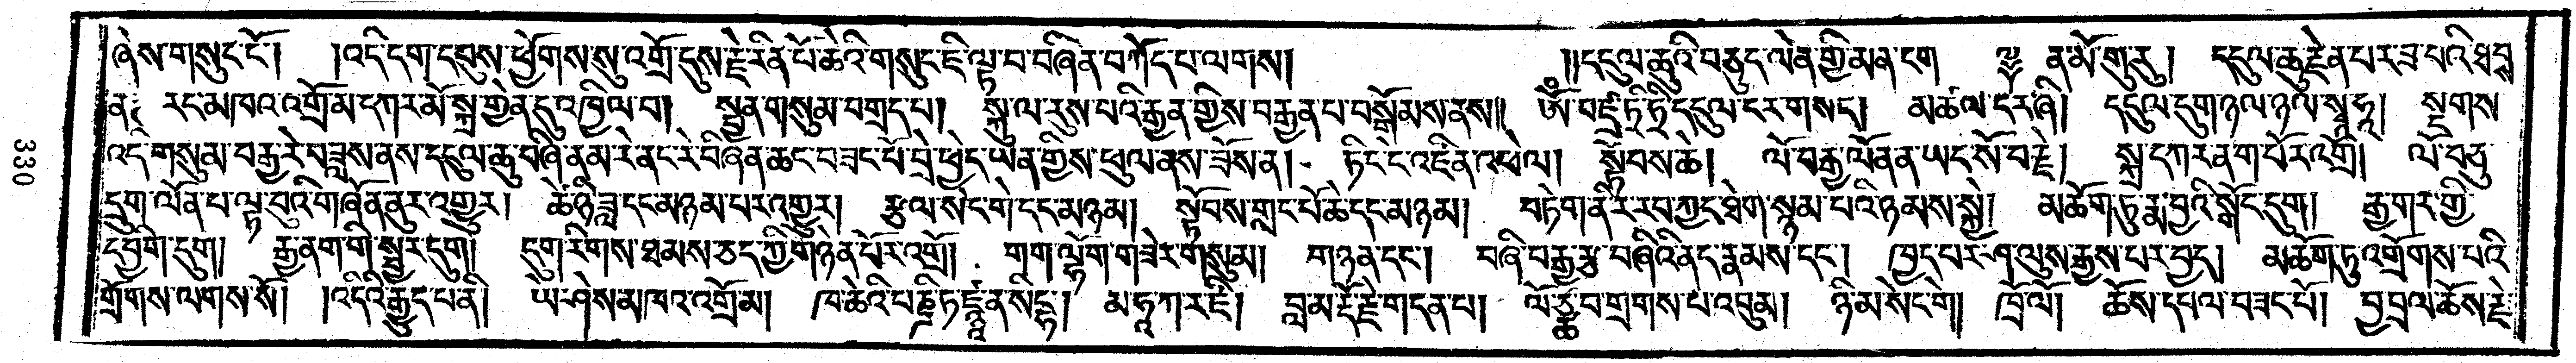ཞེས་གསུང་ངོ། །འདི་དག་དབུས་ཕྱོགས་སུ་འགྲོ་དུས་རྗེ་རིན་པོ་ཆེའི་གསུང་ཇི་ལྟ་བ་བཞིན་བཀོད་པ་ལགས། །།དངུལ་ཆུའི་བཅུད་ལེན་གྱི་མན་ངག ༈ ན་མོ་གུ་རུ། དངུལ་ཆུ་རྗེན་པར་ཟ་པའི་ཐབས་
ན༑ རང་མཁའ་འགྲོ་མ་དཀར་མོ་སྐྲ་གྱེན་དུ་འཁྱིལ་བ། སྤྱན་གསུམ་བགྲད་པ། སྐུ་ལ་རུས་པའི་རྒྱན་གྱིས་བརྒྱན་པ་བསྒོམས་ནས།། ཨོཾ་བཛྲ་ཏྲི་ཏྲི་དངུལ་ངར་གསང་། མཚལ་ངར་ཞི། དངུལ་དུག་ཉལ་ཉལ་སྭཱ་ཧཱ། སྔགས་
འདི་གསུམ་བརྒྱ་རེ་བཟླས་ནས་དངུལ་ཆུ་བཞི་ནམ་རེ་ནང་རེ་བཞིན་ཆང་བཟང་པོ་བྲེ་ཕྱེད་ཡན་གྱིས་ཕུལ་ནས་ཟོས་ན། ཏིང་ངེ་འཛིན་འཕེལ། སྟོབས་ཆེ། ལོ་བརྒྱ་ལོན་ན་ཡང་སོ་བརྗེ། སྐྲ་དཀར་ན་ག་པོར་འགྲོ། ལོ་བཅུ་
དྲུག་ལོན་པ་ལྟ་བུའི་གཞོན་ནུར་འགྱུར། ཚེ་ཉི་ཟླ་དང་མཉམ་པར་འགྱུར། རྩལ་སེང་གེ་དང་མཉམ། སྟོབས་གླང་པོ་ཆེ་དང་མཉམ། བཏེག་ནི་ར་རབ་ཀྱང་ཐེག་སྙམ་པའི་ཉམས་སྐྱེ། མཆོག་ཏུ་རྨ་བྱའི་སྒོང་དུག། རྒྱ་གར་གྱི་
དབྱིག་དུག། རྒྱ་ནག་གི་སྦྱར་དུག། དུག་རིགས་ཐམས་ཅད་ཀྱི་གཉེན་པོར་འགྲོ། གག་ལྷོག་གཟེར་གསུམ། གཉན་དང་། བཞི་བརྒྱ་རྩ་བཞིའི་ནད་རྣམས་དང་། ཁྱད་པར་ཤ་ལུས་རྒྱས་པར་བྱད། མཆོག་ཏུ་འགྲོགས་པའི་
གྲོགས་ལགས་སོ། །འདིའི་རྒྱུད་པ་ནི། ཡེ་ཤེས་མཁའ་འགྲོ་མ། ཁ་ཆེའི་པཎྜིཏ་ཛྙཱ་ན་སིདྷ། མ་ཧཱ་ཀ་ར་ཛི། བླ་མ་རྡོ་རྗེ་གདན་པ། ལོ་ཙྪ་བ་གྲགས་པ་འབུམ། ཉི་མ་སེང་གེ། ཁྲོ་ལོ། ཆོས་དཔལ་བཟང་པོ། བྱ་བྲལ་ཆོས་རྗེ་